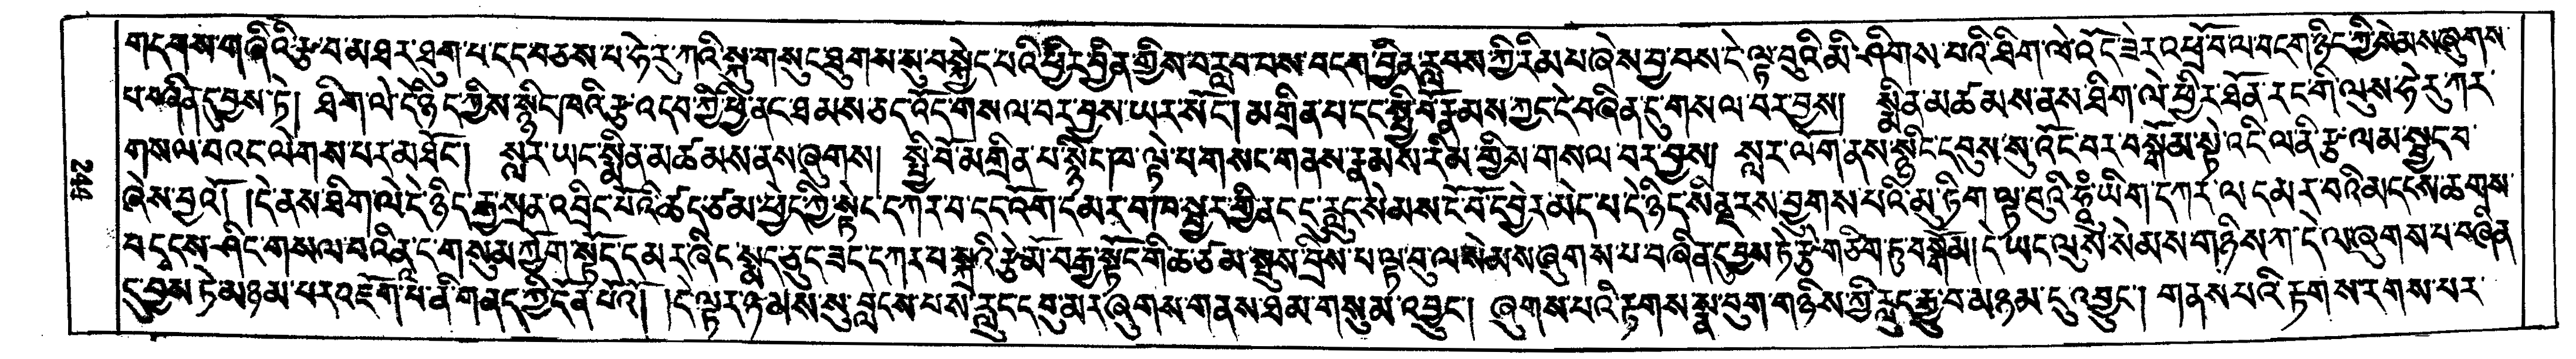གདགས་གཞིའི་རྩ་བ་མཐར་ཐུག་པ་དང་བཅས་པ་ཧེ་རུ་ཀའི་སྐུ་གསུང་ཐུགས་སུ་བསྐྱེད་པའི་ཕྱིར་བྱིན་གྱིས་བརླབ་པས་བདག་བྱིན་རླབས་ཀྱི་རིམ་པ་ཞེས་བྱ་བས་དེ་ལྟར་བུའི་མི་ཤིགས་པའི་ཐིག་ལེ་འོད་ཟེར་འཕྲོ་བ་ལ་བདག་ཉིད་ཀྱི་སེམས་ཞུགས་
པ་བཞིན་དུ་བྱས་ཏེ། ཐིག་ལེ་དེ་ཉིད་ཀྱིས་སྙིང་ཁའི་རྩ་འདབ་ཀྱི་ཕྱི་ནང་ཐམས་ཅད་འོད་གསལ་བར་བྱས་ཡར་སོང་། མགྲིན་པ་དང་སྤྱི་བོ་རྣམས་ཀྱང་དེ་བཞིན་དུ་གསལ་བར་བྱས། སྨིན་མཚམས་ནས་ཐིག་ལེ་ཕྱིར་ཐོན་རང་གི་ལུས་ཧེ་རུ་ཀར་
གསལ་བ་འད་ལེགས་པར་མཐོང་། སླར་ཡང་སྨིན་མཚམས་ནས་ཞུགས། སྤྱི་བོ་མགྲིན་པ་སྙིང་ཁ་ལྟེ་བ་གསང་གནས་རྣམས་རིམ་གྱིས་གསལ་བར་བྱས། སླར་ལོག་ནས་སྙིང་དབུས་སུ་འོང་བར་བསྒོམ་སྟེ་འདི་ལ་ནི་རྩ་ལམ་སྦྱང་བ་
ཞེས་བྱའོ། །དེ་ནས་ཐིག་ལེ་དེ་ཉིད་རྒྱ་སྤྲན་འབྲིང་པོའི་ཚད་ཙམ་ཕྱེད་ཀྱི་སྟེང་དཀར་བ་དང་འོག་དམར་བ་ཁ་སྦྱར་གྱི་ནང་དུ་རླུང་སེམས་ངོ་བོ་དབྱེར་མེད་པ་དེ་ཉིད་སིན་དྷུ་རས་བྱུངས་པའི་མུ་ཏིག་ལྟ་བུའི་ཧཱུཾ་ཡིག་དཀར་ལ་དམར་པའི་མདངས་ཆགས་
པ་དྭངས་ཤིང་གསལ་བའི་ནཱ་ད་གསུམ་ཀྱོག་སྟོང་དམར་ཞིང་སྨད་ཅུང་ཟད་དཀར་བ་སྐྲའི་རྩེ་མོ་བརྒྱ་སྟོང་གི་ཆ་ཙམ་སྦུས་བྲིས་པ་ལྟ་བུ་ལ་སེམས་ཞུགས་པ་བཞིན་དུ་བྱས་ཏེ་རྩེ་གཅིག་ཏུ་བསྒོམ། དེ་ཡང་ལུས་སེམས་གཉིས་ཀ་དེ་ལ་ཞུགས་པ་བཞིན་
དུ་བྱས་ཏེ་མཉམ་པར་འཇོག་བ་ནི་གནད་ཀྱི་དོན་པོའོ། །དེ་ལྟར་ཉམས་སུ་བླངས་པས་རླུང་དབུ་མར་ཞུགས་གནས་ཐིམ་གསུམ་འབྱུང་། ཞུགས་པའི་རྟགས་སྣ་བུག་གཉིས་ཀྱི་རླུང་རྒྱུ་བ་མཉམ་དུ་འབྱུང་། གནས་པའི་རྟགས་རགས་པར་